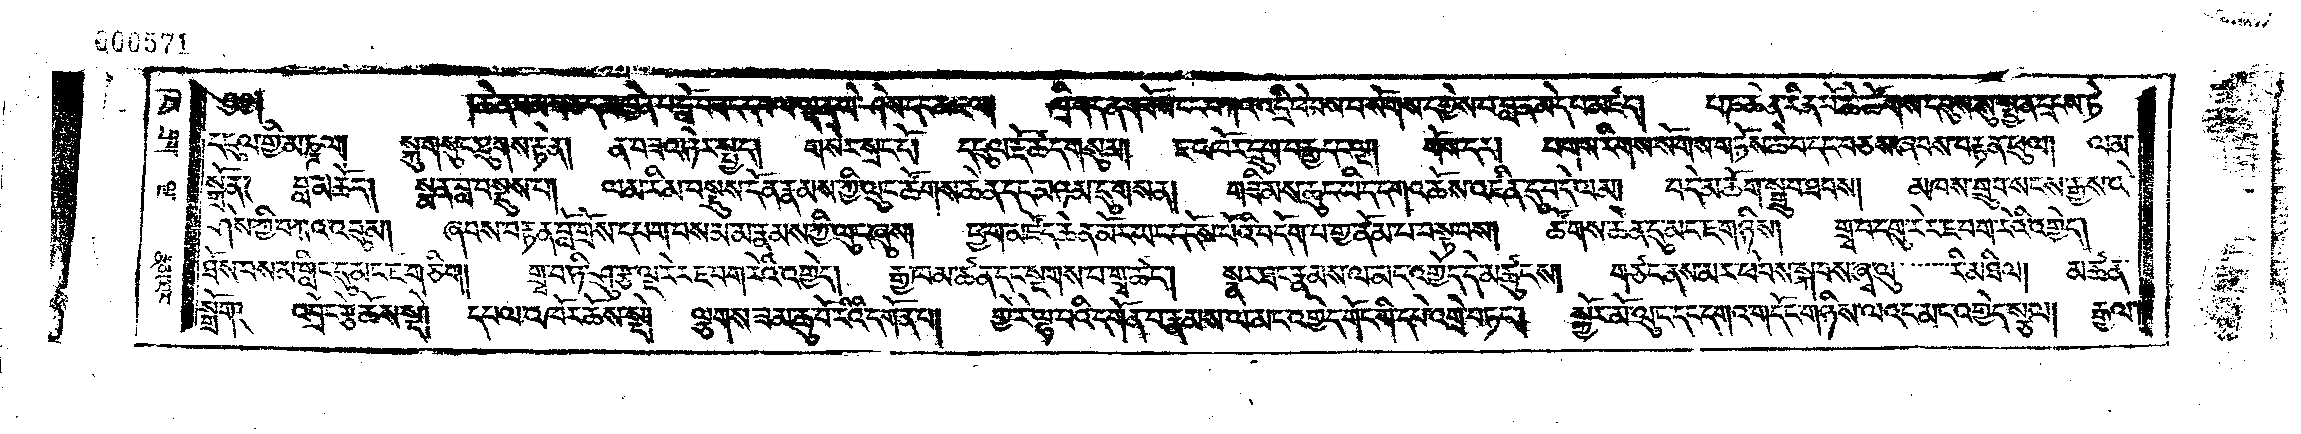༄༅། །ཆེན་ཐམས་ཅད་མཁྱེན་པ་བློ་བཟང་དཔལ་ལྡན་ཡེ་ཤེས་དང་མཇལ། ཁྲི་གདན་གཟོས་དང་བཀའ་འདྲི་ཕེབས་པ་སོགས་དགྱེས་པ་བླ་ན་མེད་པ་མཛད། པཎ་ཆེན་རིན་པོ་ཆེ་ཚོགས་དབུས་སུ་སྤྱན་དྲངས་ཏེ་
དངུལ་གྱི་མཎྜལ། སྐུ་གསུང་ཐུགས་རྟེན། ན་བཟའ་ཉེར་སྤྱད། གསེར་སྲང་ངོ། དངུལ་རྡོ་ཚད་གསུམ། ཇ་འཁོར་དྲུག་བརྒྱ་དང་ལྔ། གོས་དར། པགས་རིགས་སོགས་གཏོས་ཆེ་བ་དང་བཅས་ཞབས་བརྟན་ཕུལ། ལམ་
སྒྲོན༑ བླ་མཆོད། སྨན་བླ་བསྡུས་པ། ལམ་རིམ་བསྡུས་དོན་རྣམས་ཀྱི་ལུང་ཚོགས་ཆེན་དང་མཉམ་དུ་གསན། གཟིམས་ཆུང་ཡིད་དགའ་ཆོས་འཛིན་དུ་བདེ་ལམ། བདེ་མཆོག་སྒྲུབ་ཐབས། མཁས་གྲུབ་སངས་རྒྱས་ཡེ་
ཤེས་ཀྱི་བཀའ་འབུམ། ཞབས་བརྟན་བློ་གྲོས་དཔག་བསམ་མ་རྣམས་ཀྱི་ལུང་ཞུས། ཕྱག་མཛོད་ཆེན་མོར་ཡང་དངོས་པོའི་བདོག་པ་གྱ་ནོམ་པ་བསྟབས། ཚོགས་ཆེན་དུ་མང་ཇ་གཉིས། གྲྭ་བ་དགུ་རེར་ཇ་བག་རེའི་འགྱེད།
ཐོས་བསམ་གླིང་དུ་མང་ཇ་གཅིག། གྲྭ་བ་ཉི་ཤུ་རྩ་ལྔ་རེར་ཇ་བག་རེའི་འགྱེད། རྒྱ་ཁམ་ཚན་དང་སྔགས་པ་གྲྭ་ཚང་། སྣར་ཐང་རྣམས་ལ་མང་འགྱེད་དེ་མཚུངས། གཙང་ནས་མར་ཕེབས་སྐབས་ཞྭ་ལུ་རི་མཐིལ། མཚན་
སྒྲོག༑ འབྲོང་རྩེ་ཆོས་སྡེ། དཔལ་འཁོར་ཆོས་སྡེ། ལྕགས་ཟམ་ཆུ་བོ་རིའི་དགོན་པ། གྱེ་རེ་ལྷ་པའི་དགོན་པ་རྣམས་ལ་མང་འགྱེད་གོང་གི་དཔེ་འགྲེ་བཏང་། སྐྱོར་མོ་ལུང་དང་དགའ་གདོང་གཉིས་ལའང་མང་འགྱེད་སྩལ། རྒྱལ་